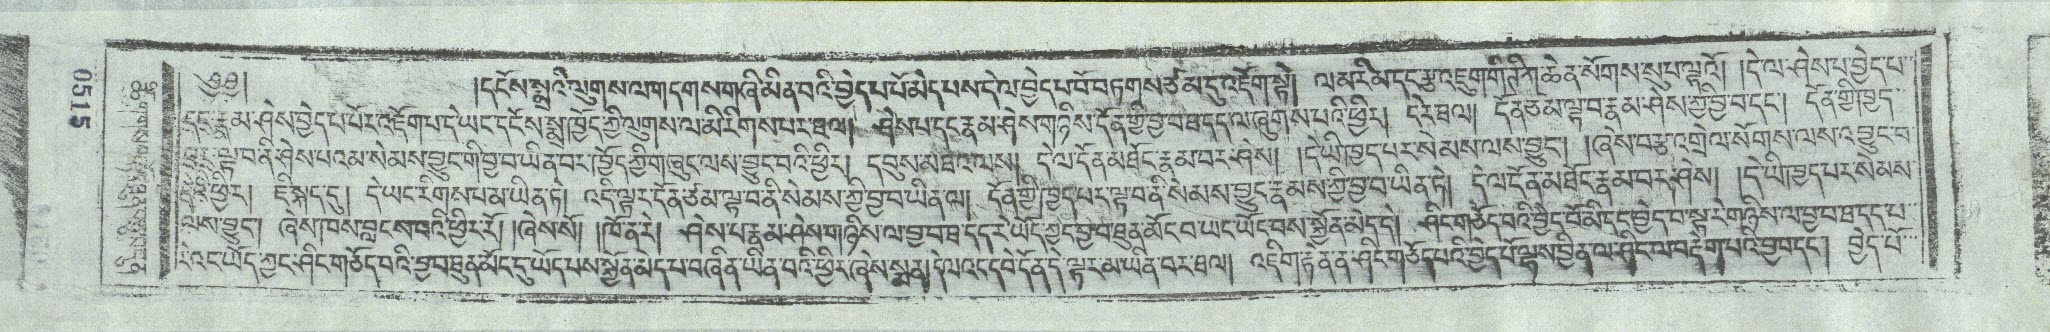༄༅། །དངོས་སྨྲའི་ལུགས་ལ་གདགས་གཞི་མིན་པའི་བྱེད་པ་པོ་མེད་པས་དེ་ལ་བྱེད་པ་པོ་བཏགས་ཙམ་དུ་འཇོག་སྟེ། ལམ་རིམ་དང་རྩ་འཇུག་གི་ཊིཀ་ཆེན་སོགས་སུ་པ་ལྟའོ། །དེ་ལ་ཤེས་པ་བྱེད་པ་
དང་རྣམ་ཤེས་བྱེད་པ་པོར་འཇོག་པ་དེ་ཡང་དངོས་སྨྲ་ཁྱོད་ཀྱི་ལུགས་ལ་མི་རིགས་པར་ཐལ། ཤེས་པ་དང་རྣམ་ཤེས་གཉིས་དོན་གྱི་བྱ་བ་ཐ་དད་ལ་ཞུགས་པའི་ཕྱིར། དེར་ཐལ། དོན་ཙམ་ལྟ་བ་རྣམ་ཤེས་ཀྱི་བྱ་བ་དང་། དོན་གྱི་ཁྱད་
པར་ལྟ་བ་ནི་ཤེས་པའམ་སེམས་བྱུང་གི་བྱ་བ་ཡིན་པར་ཁྱོད་ཀྱི་གཞུང་ལས་བྱུང་བའི་ཕྱིར། དབུས་མཐའ་ལས། དེ་ལ་དོན་མཐོང་རྣམ་པར་ཤེས། །དེ་ཡི་ཁྱད་པར་སེམས་ལས་བྱུང་། །ཞེས་པ་རྩ་འགྲེལ་སོགས་ལས་འབྱུང་བ་
དེའི་ཕྱིར། ཇི་སྐད་དུ། དེ་ཡང་རིགས་པ་མ་ཡིན་ཏེ། འདི་ལྟར་དོན་ཙམ་ལྟ་བ་ནི་སེམས་ཀྱི་བྱ་བ་ཡིན་ལ། དོན་གྱི་ཁྱད་པར་ལྟ་བ་ནི་སེམས་བྱུང་རྣམས་ཀྱི་བྱ་བ་ཡིན་ཏེ། དེ་ལ་དོན་མཐོང་རྣམ་པར་ཤེས། །དེ་ཡི་ཁྱད་པར་སེམས་
ལས་བྱུང་། ཞེས་ཁས་བླངས་པའི་ཕྱིར་རོ། །ཞེས་སོ། །ཁོ་ན་རེ། ཤེས་པ་རྣམ་ཤེས་གཉིས་ལ་བྱ་བ་ཐ་དད་རེ་ཡོད་ཀྱང་བྱ་བ་ཐུན་མོང་བ་ཡང་ཡོད་པས་སྐྱོན་མེད་དེ། ཤིང་གཅོད་པའི་བྱེད་པོ་མི་དང་བྱེད་པ་སྟ་རེ་གཉིས་ལ་བྱ་བ་ཐ་དད་པ་
རེའང་ཡོད་ཀྱང་ཤིང་གཅོད་པའི་བྱ་བ་ཐུན་མོང་དུ་ཡོད་པས་སྐྱོན་མེད་པ་བཞིན་ཡིན་པའི་ཕྱིར་ཞེས་སྨན། དེ་ལའང་དཔེ་དོན་དེ་ལྟར་མ་ཡིན་པར་ཐལ། འཇིག་རྟེན་ན་ཤིང་གཅོད་པའི་བྱེད་པོ་ལྷས་བྱིན་ལ་ཤིང་ལ་བརྡེག་པའི་བྱ་བ་དང་། བྱེད་པོ་